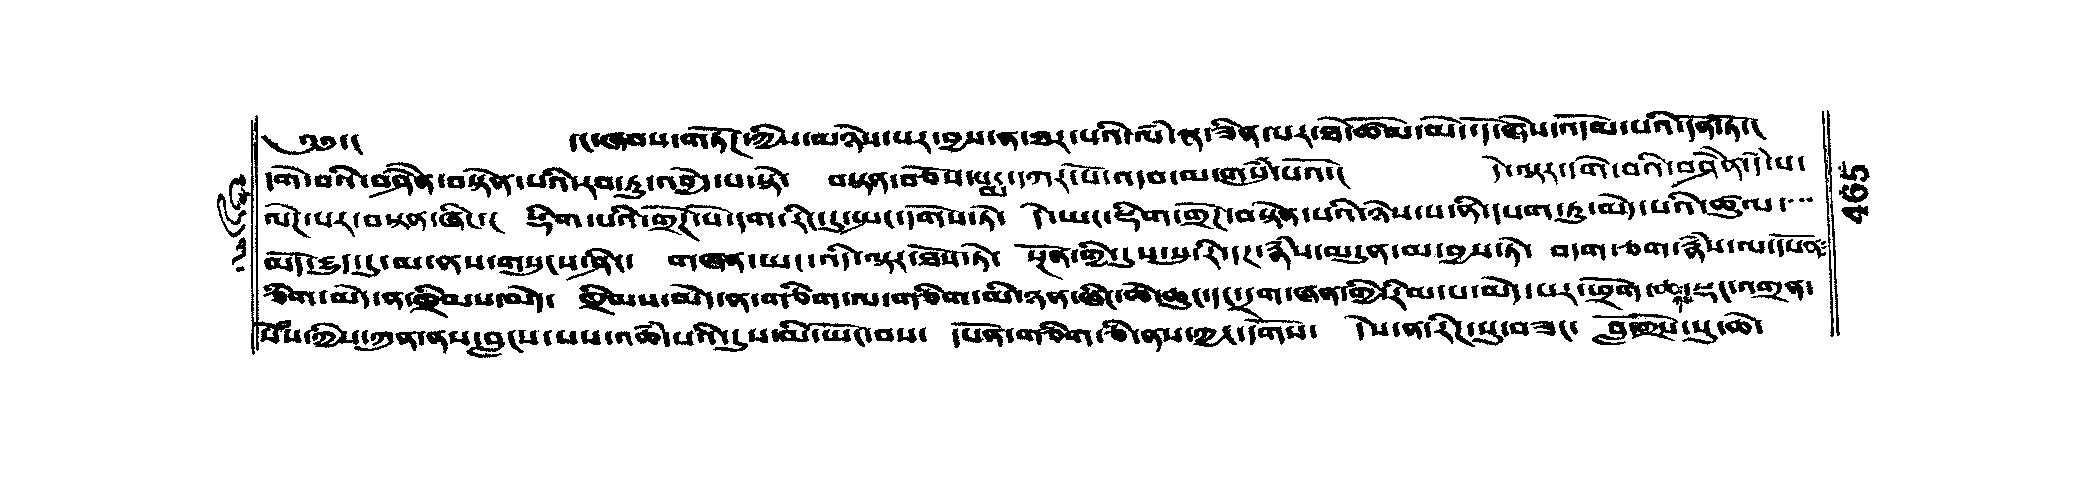དང་ཞབས་ཏོག་གིས་མཉེས་པར་བྱས་ན་ཐར་པའི་ལམ་སྣ་ཟིན་པར་ཐེ་ཚོམ་མེད་དོ་ཞེས་འདོམ་པའི་དོན་ཏོ།
དགེ་བའི་བཤེས་གཉེན་བསྟེན་པའི་རབ་ཏུ་འབྱེད་པ་སྟེ། བསྟན་བཅོས་པདྨ་དཀར་པོ་འདབ་མ་གསུམ་པའོ། དེ་ལྟར་དགེ་བའི་བཤེས་གཉེན་དམ་པ་
ལེགས་པར་བསྟན་ཞིང་། སྡིག་པའི་གྲོགས་པོ་དག་རིང་དུ་སྤང་དགོས་ཏེ། དེ་ཡང་སྡིག་གྲོགས་བསྟེན་པའི་ཉེས་པ་ནི་དཔག་ཏུ་མེད་པའི་ཚུལ་
མདོ་རྒྱུད་དུ་མ་ནས་གསུངས་ཤིང་། གཞན་ཡང་འདི་ལྟར་ཐོས་ཏེ། སྔོན་གྱི་དུས་སུ་རི་དྭགས་རྣམས་མདུན་མ་བྱས་ཏེ། བདག་ཅག་རྣམས་ལ་དཔོན་
ཞིག་མེད་ན་ཁྲིམས་མེད། ཁྲིམས་མེད་ན་གཅིག་ལ་གཅིག་མི་ཉན་ཞིང་ཆེ་ཆུང་དང་དྲག་ཞན་གྱི་རིམ་པ་མེད་པར་ཕྲག་དོག་ཆགས་སྡང་འགྲན་
སེམས་ཀྱིས་ཀུན་ནས་བླངས་པས་འཆམ་པའི་དུས་མི་ཡོང་བས། དཔོན་གཅིག་ཅི་ནས་ཀྱང་དགོས། དེས་ན་རིགས་སུ་བཟང་། བློ་གྲོས་སུ་ཆེ།